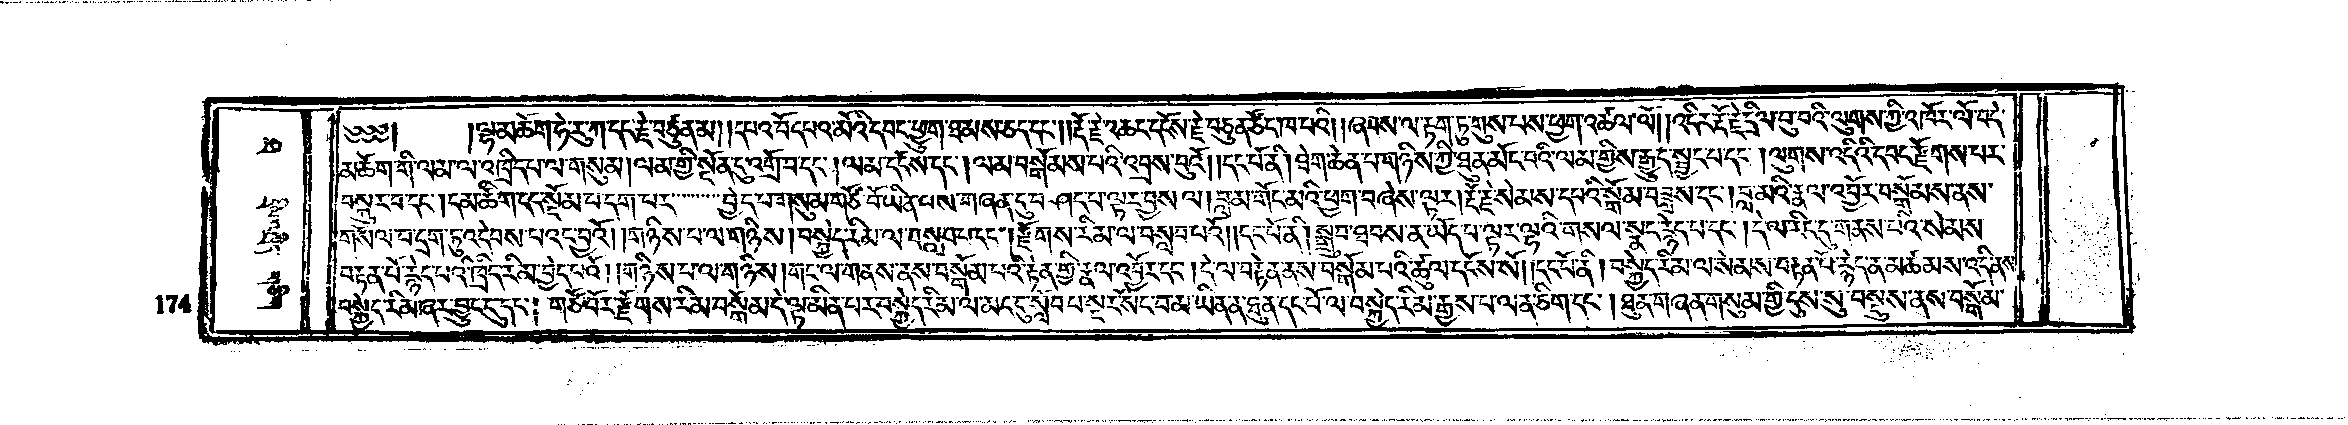༄༅༅། །ལྷ་ཆོག་ཧེ་རུ་ཀ་དང་རྗེ་བཙུན་མ། །དཔའ་བོ་དཔའ་མོའི་དབང་ཕྱུག་ཐམས་ཅད་དང་། །རྡོ་རྗེ་འཆང་དངོས་རྗེ་བཙུན་ཙོང་ཁ་པའི། །ཞབས་ལ་རྟག་ཏུ་གུས་པས་ཕྱག་འཚལ་ལོ། །འདིར་རྡོ་རྗེ་དྲིལ་བུ་བའི་ལུགས་ཀྱི་འཁོར་ལོ་བདེ་
མཆོག་གི་ལམ་ལ་འཁྲིད་པ་ལ་གསུམ། ལམ་གྱི་སྔོན་དུ་འགྲོ་བ་དང་། ལམ་དངོས་དང་། ལམ་བསྒོམས་པའི་འབྲས་བུའོ། །དང་པོ་ནི། ཐེག་ཆེན་པ་གཉིས་ཀྱི་ཐུན་མོང་བའི་ལམ་གྱིས་རྒྱུད་སྦྱང་པ་དང་། ལུགས་འདིའི་དབང་རྫོགས་པར་
བསྐུར་བ་དང་། དམ་ཚིག་དང་སྡོམ་པ་དག་པར་བྱེད་པ་གསུམ་གཙོ་བོ་ཡིན་པས་གཞན་དུ་བཤད་པ་ལྟར་བྱས་ལ། བླ་མ་གོང་མའི་ཕྱག་བཞེས་ལྟར། རྡོ་རྗེ་སེམས་དཔའི་སྒོམ་བཟླས་དང་། བླ་མའི་རྣལ་འབྱོར་བསྒོམས་ནས་
གསོལ་བ་དྲག་ཏུ་འདེབས་པའང་བྱའོ། །གཉིས་པ་ལ་གཉིས། བསྐྱེད་རིམ་ལ་བསླབ་པ་དང་། རྫོགས་རིམ་ལ་བསླབ་པའོ། །དང་པོ་ནི། སྒྲུབ་ཐབས་ན་ཡོད་པ་ལྟར་ལྷའི་གསལ་སྣང་རྙེད་པ་དང་། དེ་ལ་རིང་དུ་གནས་པའི་སེམས་
བརྟན་པོ་རྙེད་པའི་ཁྲིད་རིམ་བྱེད་པའོ། །གཉིས་པ་ལ་གཉིས། གང་ལ་གནས་ནས་བསྒོམ་པའི་རྟེན་གྱི་རྣལ་འབྱོར་དང་། དེ་ལ་བརྟེན་ནས་བསྒོམ་པའི་ཚུལ་དངོས་སོ། །དང་པོ་ནི། བསྐྱེད་རིམ་ལ་སེམས་བརྟན་པོ་རྙེད་ན་མཚམས་འདི་ནས་
བསྐྱེད་རིམ་ཞར་བྱུང་དུ་དང་། གཙོ་བོར་རྫོགས་རིམ་བསྒོམ་དེ་ལྟ་མིན་པར་བསྐྱེད་རིམ་ལ་མང་དུ་སློབ་པ་སྔར་སོང་བ་མ་ཡིན་ན་ཐུང་དང་པོ་ལ་བསྐྱེད་རིམ་རྒྱས་པ་ལན་ཅིག་དང་། ཐུན་གཞན་གསུམ་གྱི་དུས་སུ་བསྡུས་ནས་བསྒོམ་